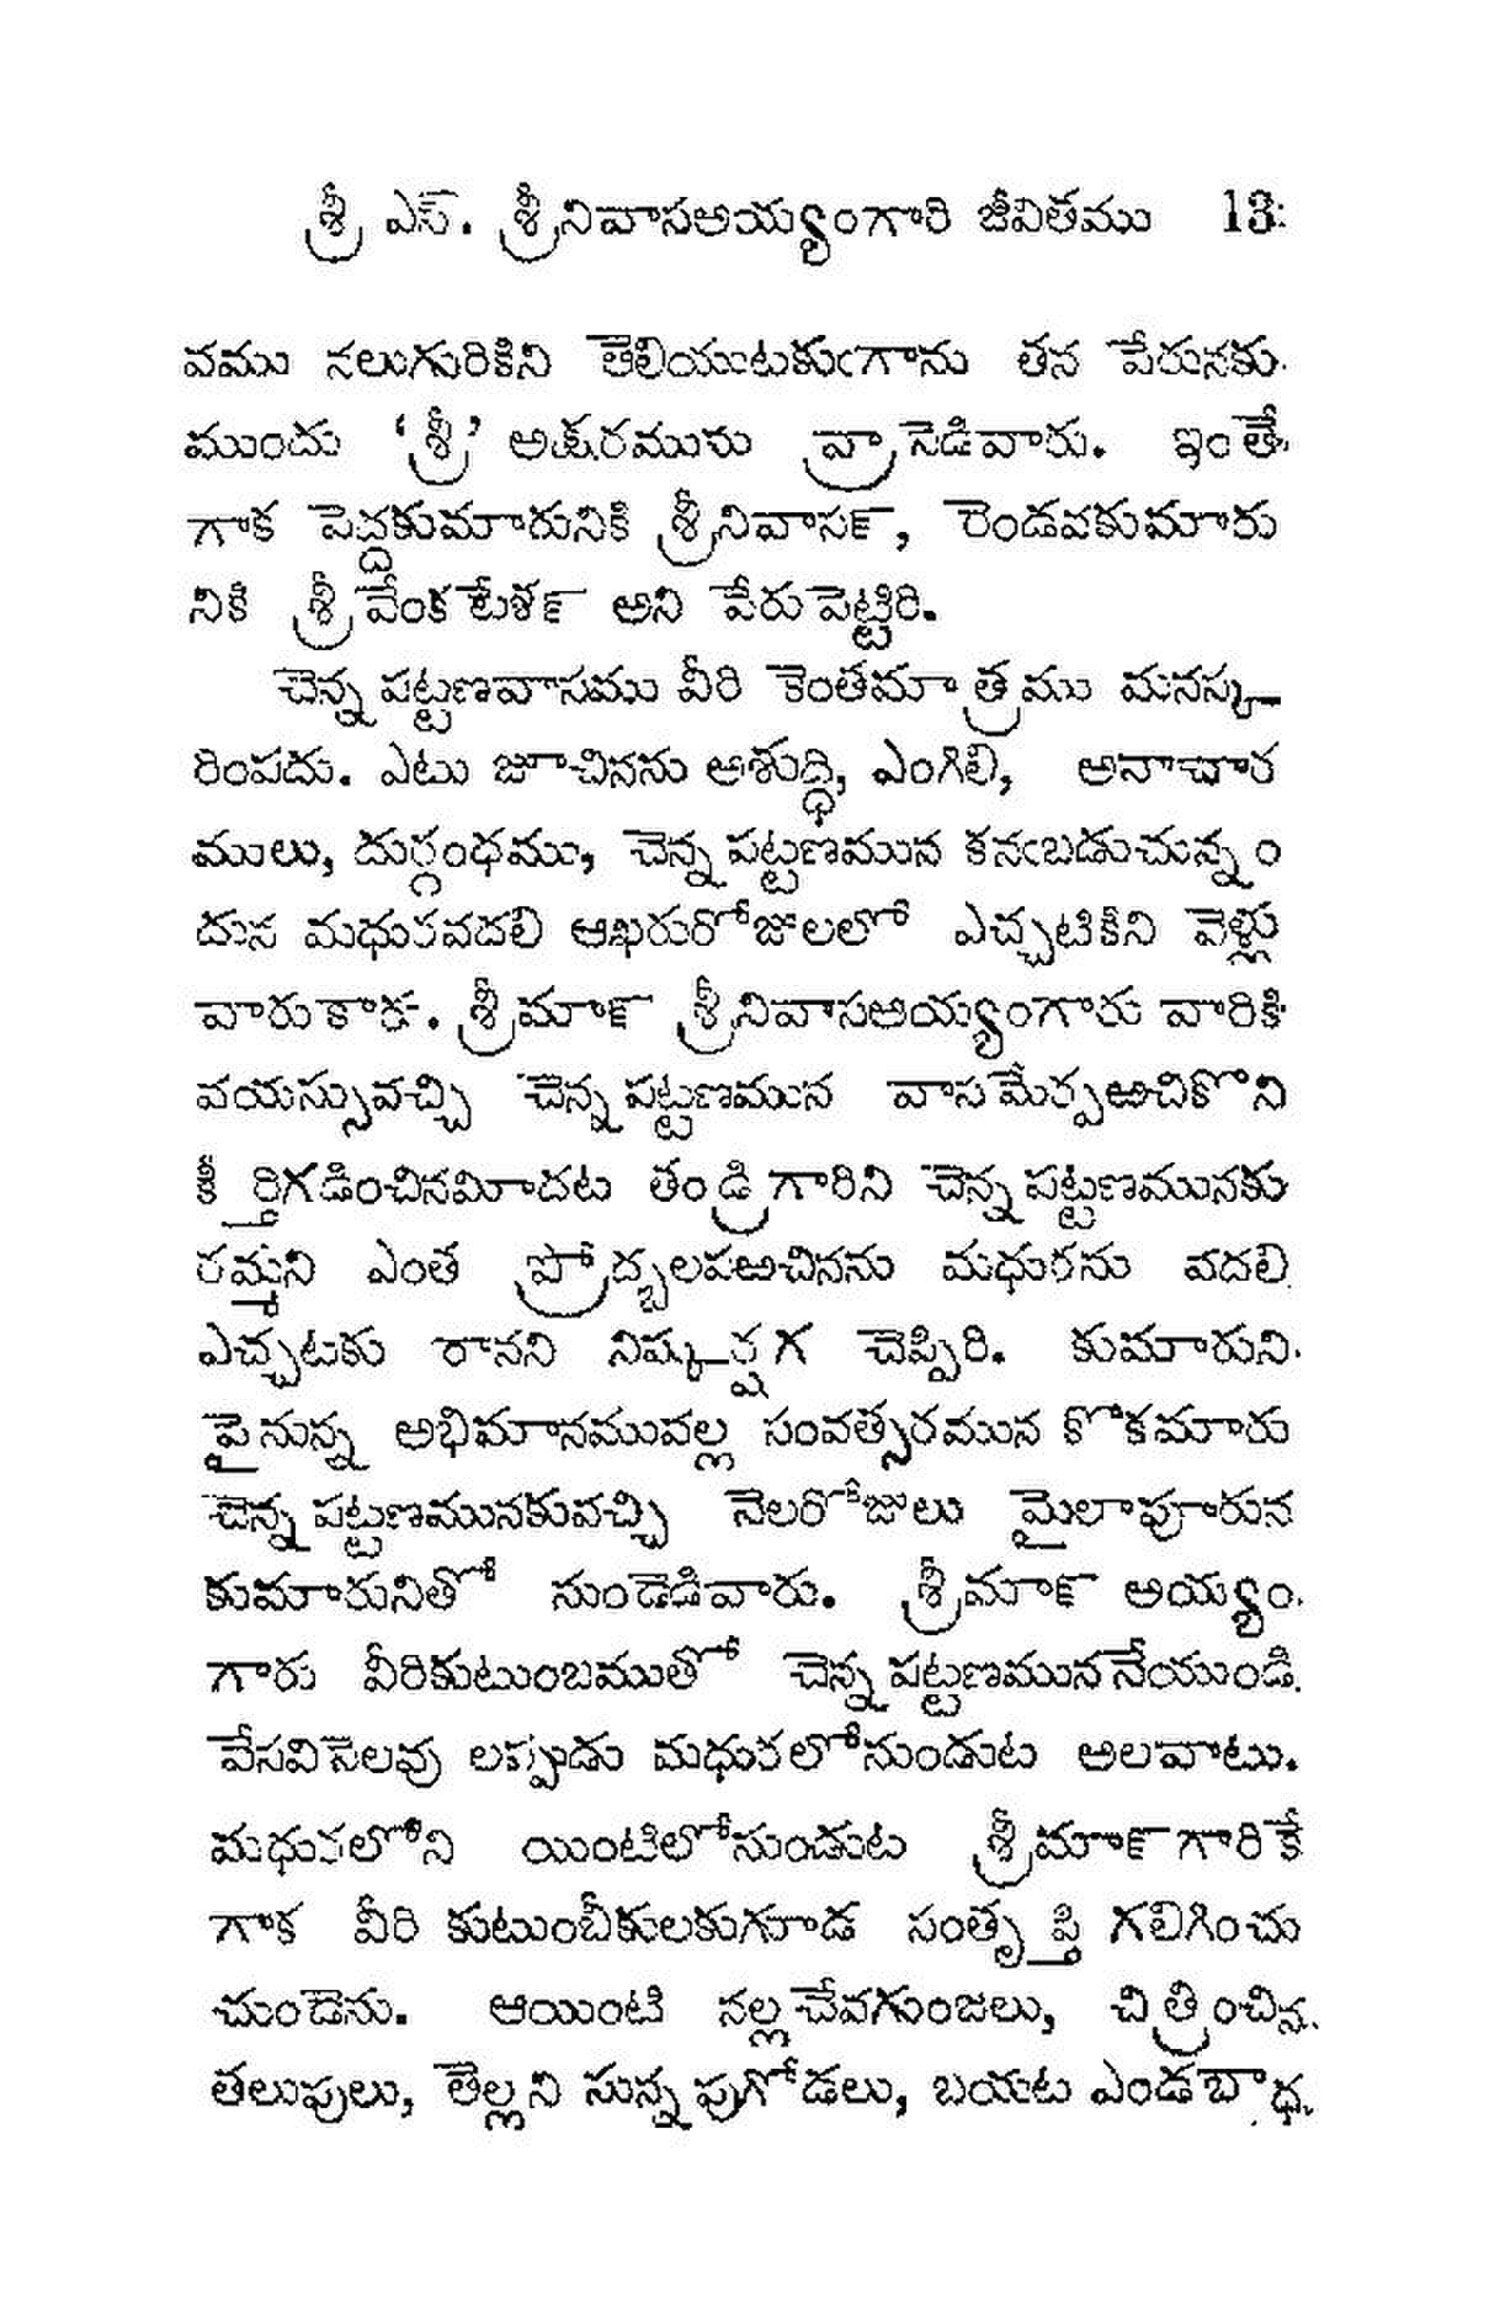వము నలుగురికిని తెలియుటకుఁగాను తన పేరునకు ముందు 'శ్రీ' అక్షరమును వ్రాసెడివారు. ఇంతేగాక పెద్దకుమారునికి శ్రీనివాస౯, రెండవ కుమారునికి శ్రీవేంకటేశ౯ అని పేరుపెట్టిరి.

చెన్నపట్టణవాసము వీరి కెంతమాత్రము మనస్కరింపదు. ఎటు జూచినను ఆశుద్ది, ఎంగిలి, అనాచారములు, దుర్గంధము, చెన్నపట్టణమున కనఁబడుచున్నందున మధురవదలి ఆఖరురోజులలో ఎచ్చటికీని వెళ్లువారుకారు. శ్రీమా౯ శ్రీనివాసఅయ్యంగారు వారికి వయస్సువచ్చి చెన్నపట్టణమున వాసమేర్పఱచికొని కీర్తిగడించినమీదట తండ్రిగారిని చెన్నపట్టణమునకు రమ్మని ఎంత ప్రోద్బలపఱచినను మధురను వదలి ఎచ్చటకు రానని నిష్కర్షగా చెప్పిరి. కుమారుని పైనున్న అభిమానమువల్ల సంవత్సరమున కొకమారు చెన్న పట్టణమునకువచ్చి నెలరోజులు మైలాపూరున కుమారునితో నుండెడివారు. శ్రీమా౯ అయ్యంగారు వీరికుటుంబముతో చెన్నపట్టణముననేయుండి, వేసవిసెలవు లప్పుడు మధురలోనుండుట అలవాటు. మధురలోని యింటిలోనుండుట శ్రీమా౯గారికే గాక వీరి కుటుంబీకులకుగూడ సంతృప్తి గలిగించు చుండెను. ఆయింటి నల్లచేవగుంజలు, చిత్రించిన తలుపులు, తెల్లని సున్నపుగోడలు, బయట ఎండబాధ,